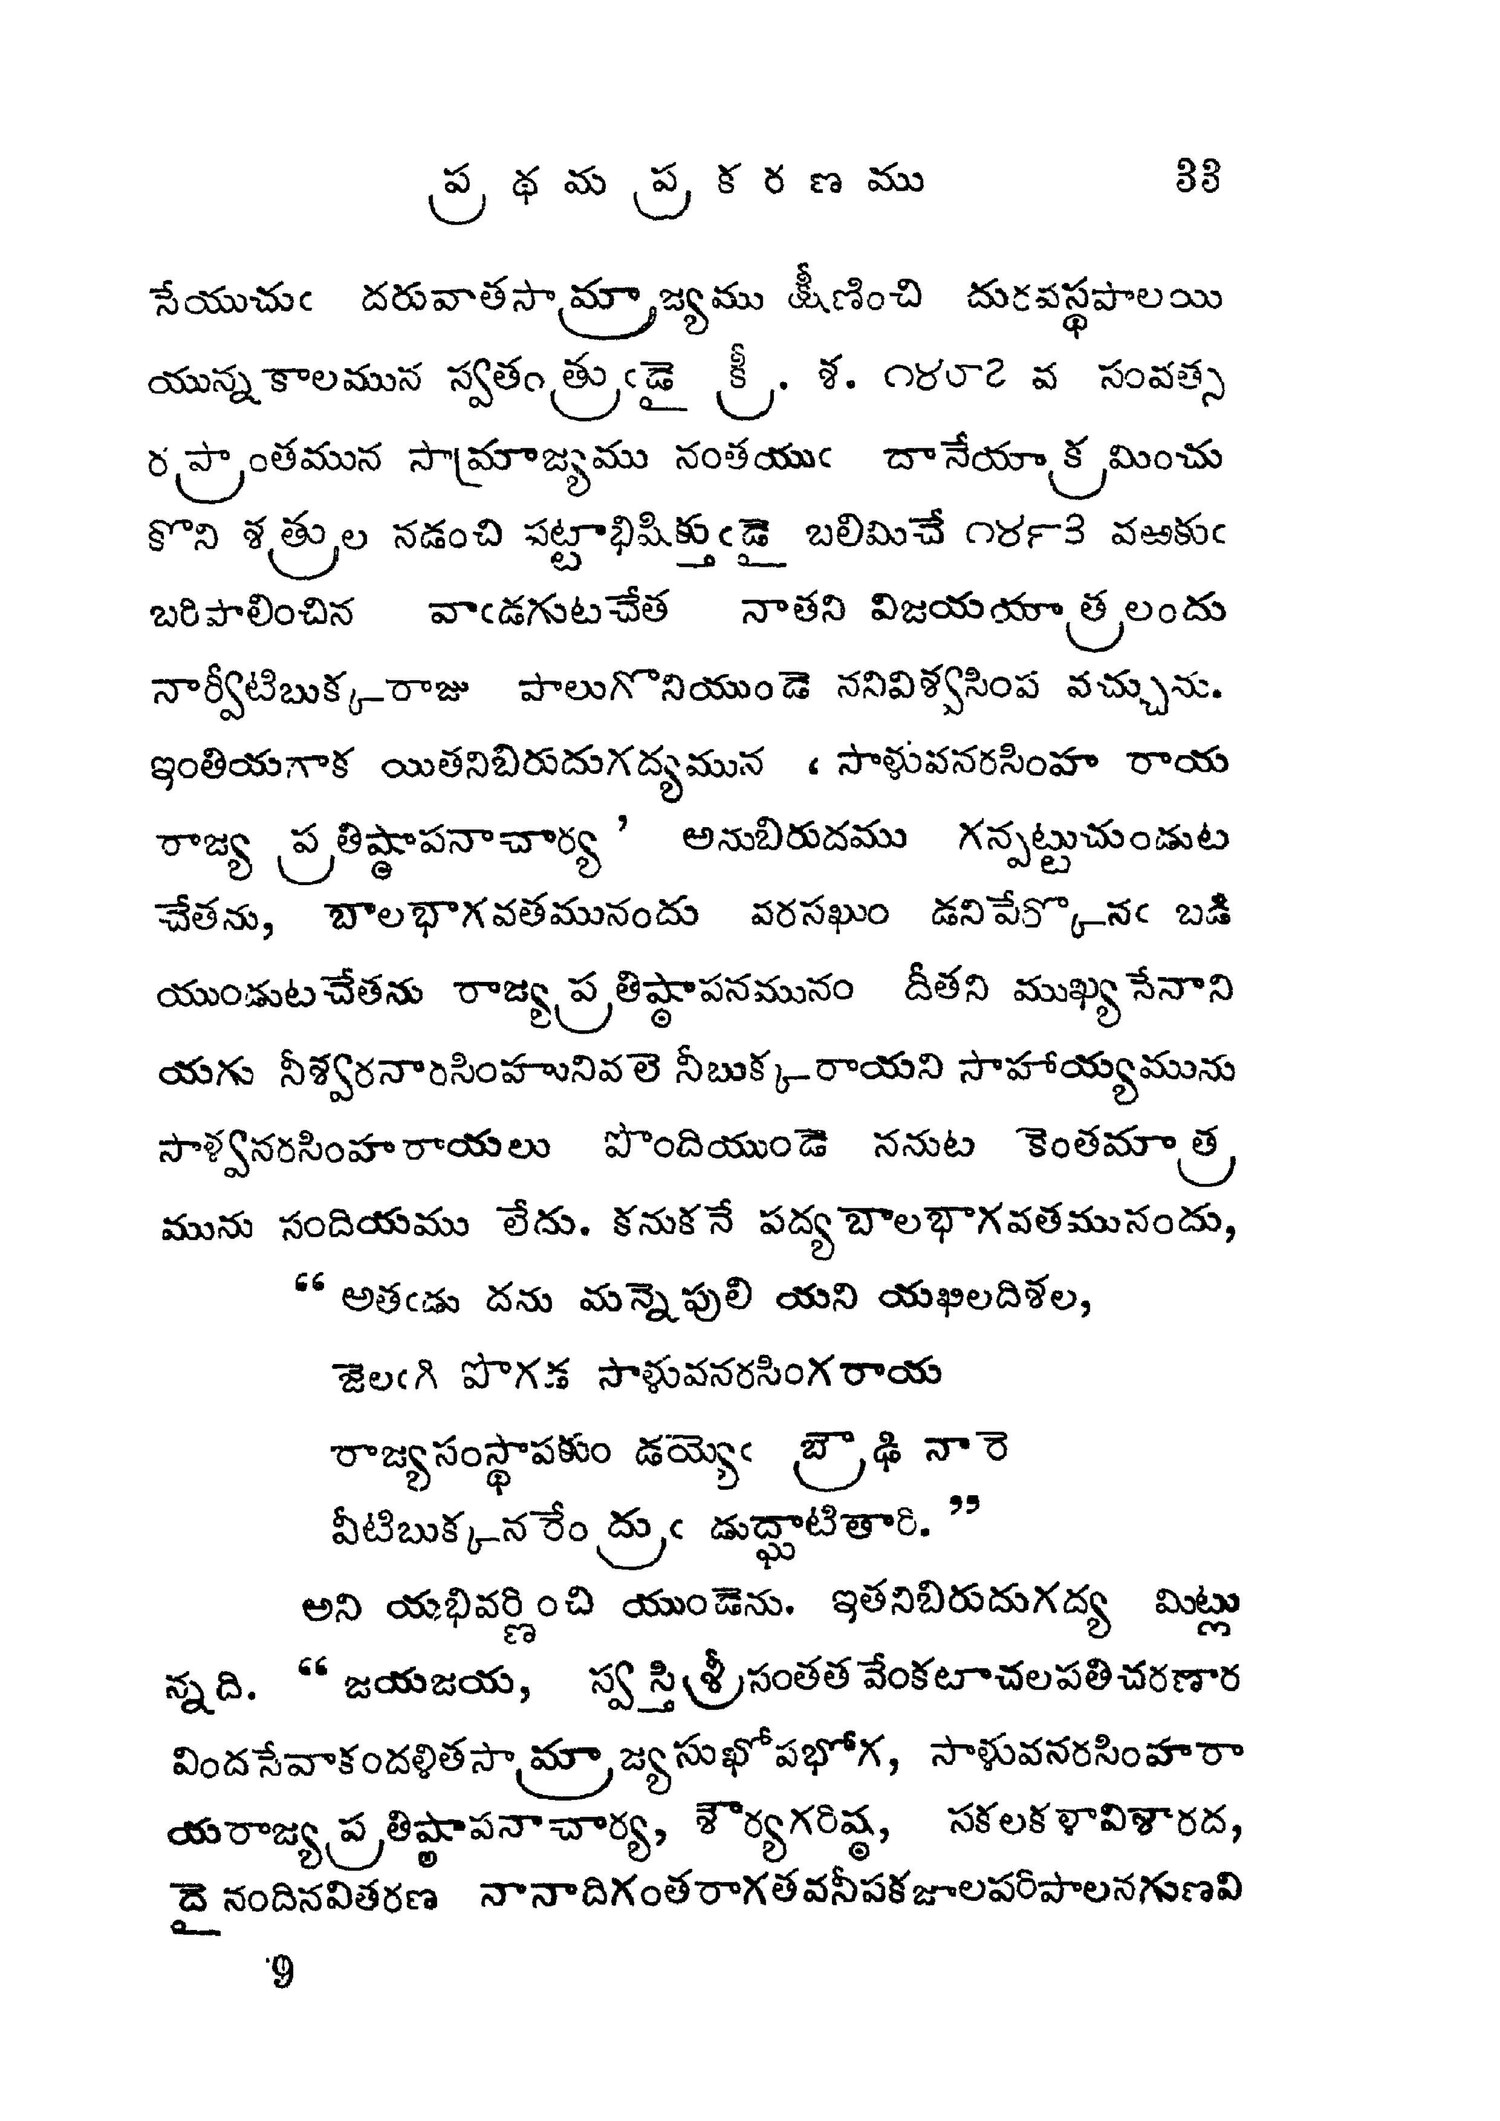సేయుచు దరువాతసామ్రాజ్యము క్షీణించి దురవస్థపాలయి యున్నకాలమున స్వతంత్రుడై క్రీ. శ. 1487 వ సంవత్సరప్రాంతమున సామ్రాజ్యము నంతయు దానేయాక్రమించుకొని శత్రుల నడంచి పట్టాభిషిక్తుడై బలిమిచే 1493 వఱకు బరిపాలించిన వాడగుటచేత నాతని విజయయాత్రలందు నార్వీటిబుక్కరాజు పాలుగొనియుండె ననివిశ్వసింప వచ్చును. ఇంతియగాక యితనిబిరుదుగద్యమున 'సాళువనరసింహ రాయరాజ్య ప్రతిష్ఠాపనాచార్య' అనుబిరుదము గన్పట్టుచుండుట చేతను, బాలభాగవతమునందు పరసఖుం డనిపేర్కొన బడియుండుటచేతను రాజ్యప్రతిష్ఠాపనమునం దీతని ముఖ్యసేనానియగు నీశ్వరనారసింహునివలె నీబుక్కరాయని సాహాయ్యమును సాళ్వనరసింహరాయలు పొందియుండె ననుట కెంతమాత్రమును సందియము లేదు. కనుకనే పద్యబాలభాగవతమునందు,

 "అతడు దను మన్నెపులి యని యఖిలదిశల,
 జెలగి పొగడ సాళువనరసింగరాయ
 రాజ్యసంస్థాపకుం డయ్యె బ్రౌడినారె
 వీటిబుక్కనరేంద్రు డుద్ఘాటితారి."

అని యభివర్ణించి యుండెను. ఇతనిబిరుదుగద్య మిట్లున్నది. "జయజయ, స్వస్తిశ్రీసంతత వేంకటాచలపతి చరణారవిందసేవాకందళితసామ్రాజ్యసుఖోవభోగ, సాళువనరసింహరాయరాజ్య ప్రతిష్ఠాపనాచార్య, శౌర్యగరిష్ఠ, సకలకళావిశారద, దైనందినవితరణ నానాదిగంతరాగతవనీపకజాల పరిపాలనాగుణవి